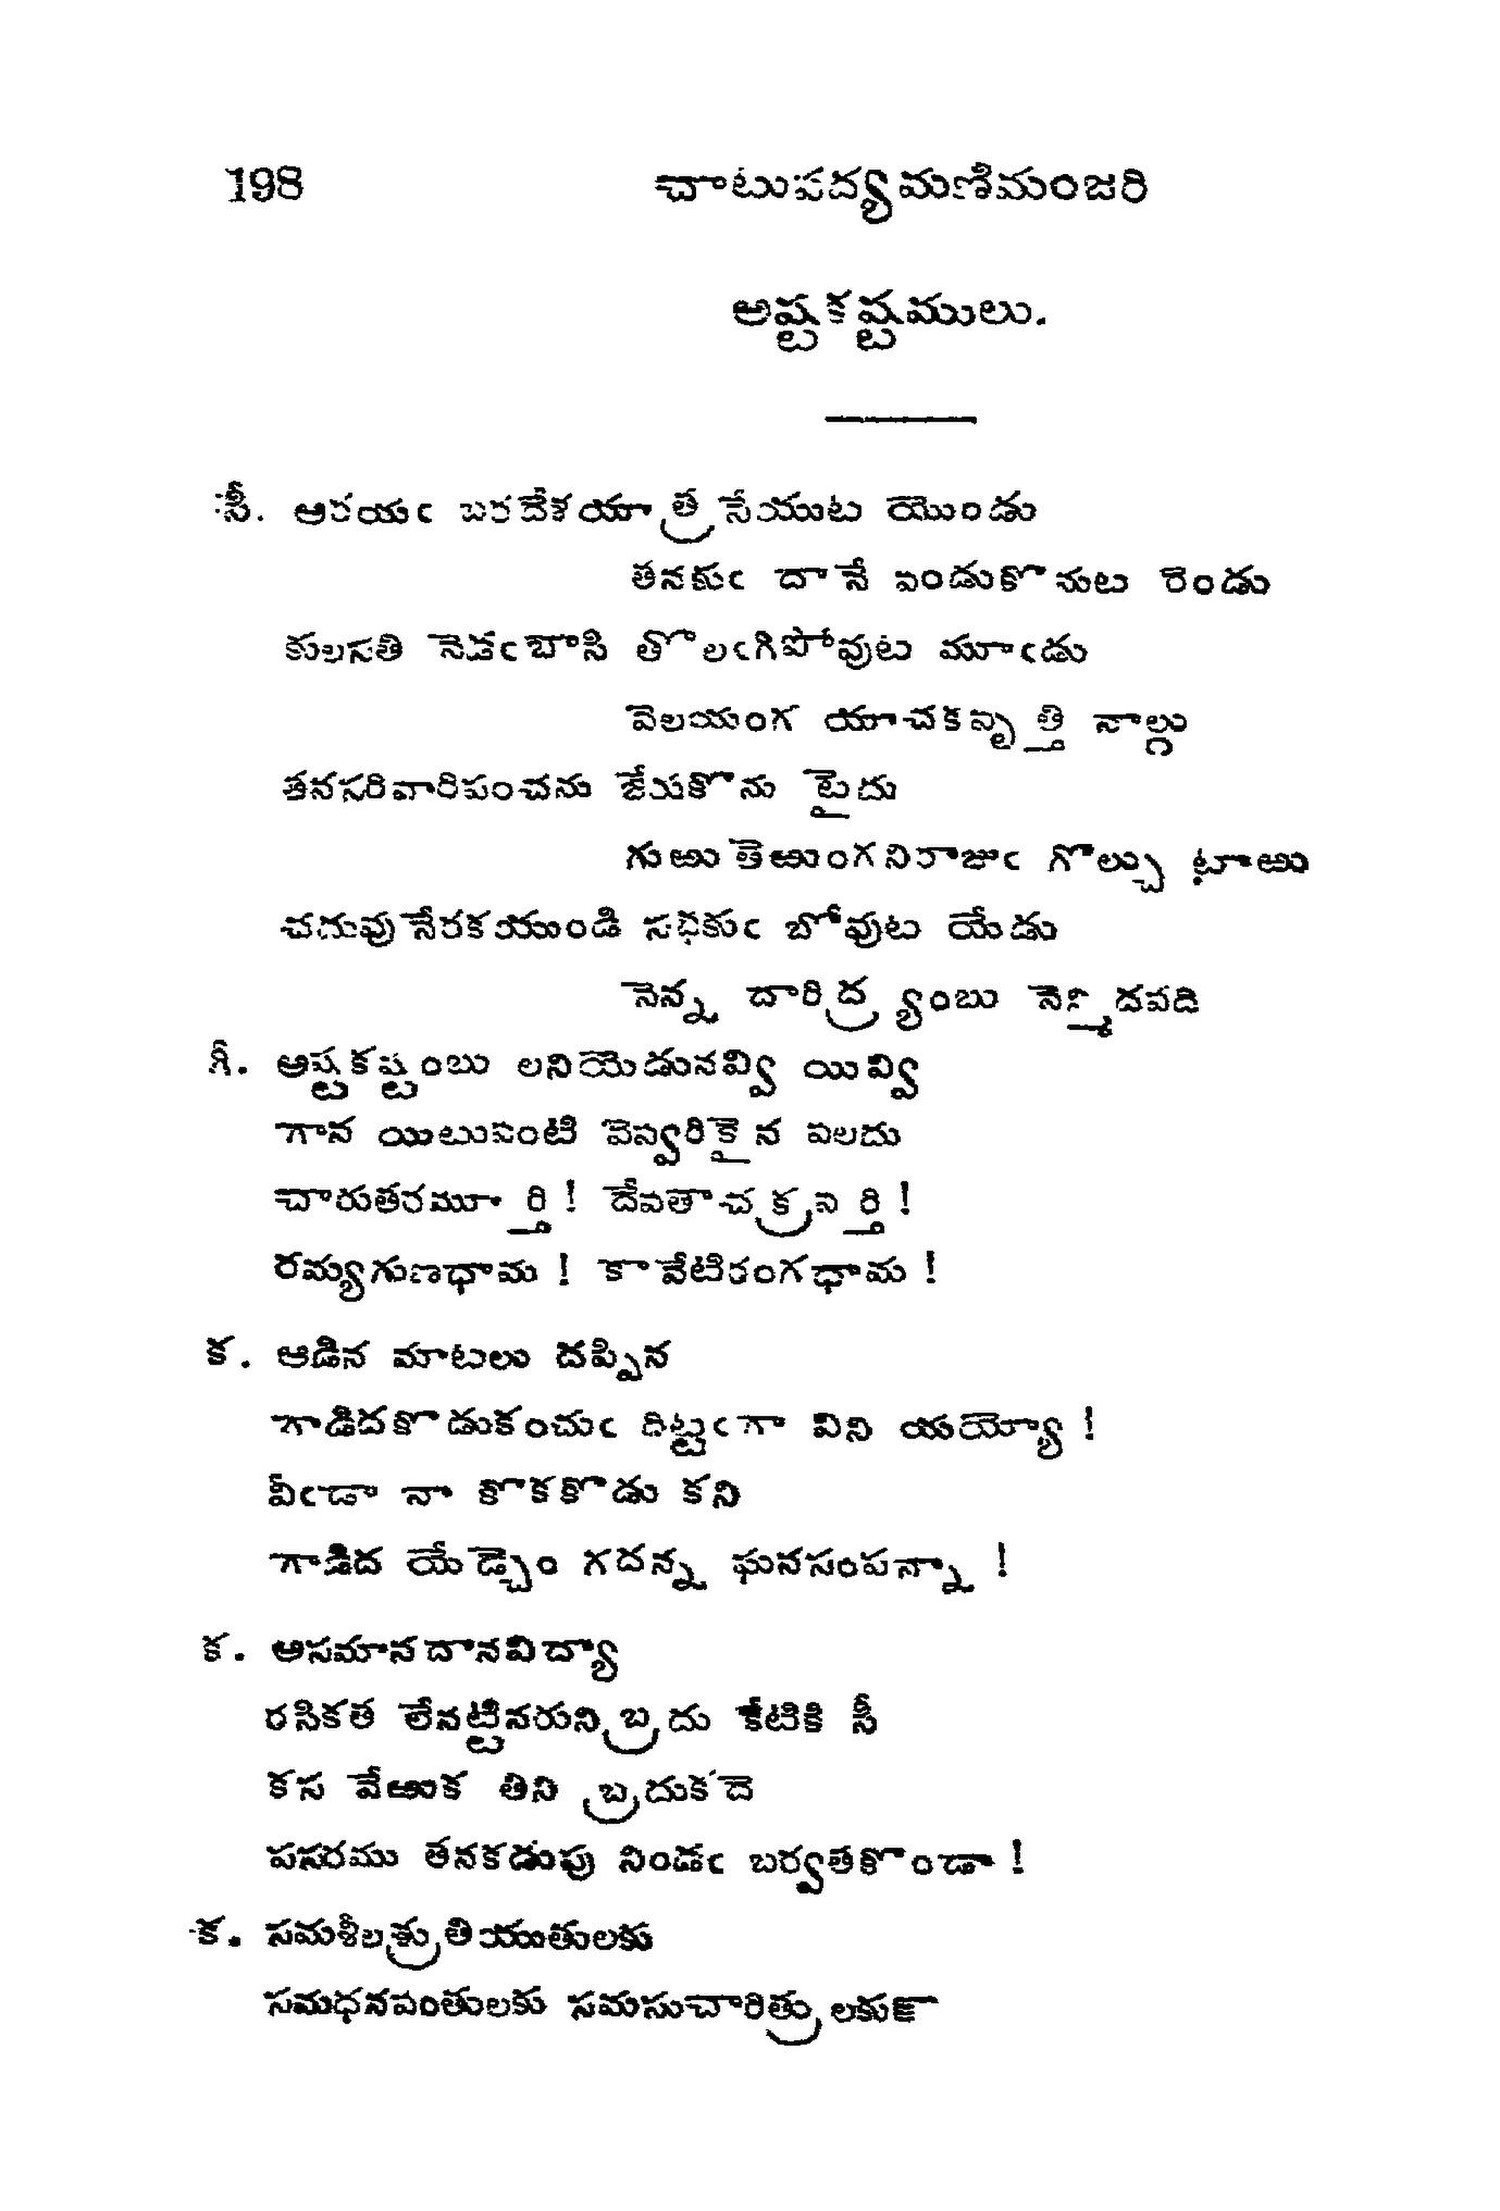సీ. అరయఁ బరదేశయాత్ర సేయుట యొండు
 తనకుఁ దానే వండుకొనుట రెండు
 కులసతి నెడఁబాసి తొలఁగిపోవుట మూఁడు
 వెలయఁగ యాచకవృత్తి నాల్గు
 తనసరివారిపంచను జేరుకొను టైదు
 గుఱు తెఱుంగనిరాజుఁ గొల్చు టాఱు
 చదువునేరకయుండి సభకుఁ బోవుట యేడు
 పెన్న దారిద్ర్యంబు నెన్మిదవది
గీ. అష్టకష్టంబు లనియెడునవ్వి యివ్వి
 గాన యిటువంటి వెవ్వరికైన వలదు
 చారుతరమూర్తి! దేవతాచక్రవర్తి!
 రమ్యగుణధామ! కావేటిరంగధామ!
క. ఆడిన మాటలు దప్పిన
 గాడిదకొడుకంచుఁ దిట్టఁగా విని యయ్యో!
 వీఁడా నా కొకకొడు కని
 గాడిద యేడ్చెం గదన్న ఘనసంపన్నా!
క. అసమానదానవిద్యా
 రసికత లేనట్టినరునిబ్రదు కేటికి సీ
 కస వేఱుక తిని బ్రదుకదె
 పసరము తనకడుపు నిండఁ బర్వతకొండా!
క. సమశీలశ్రుతియుతులకు
 సమధనవంతులకు సమసుచారిత్రులకున్